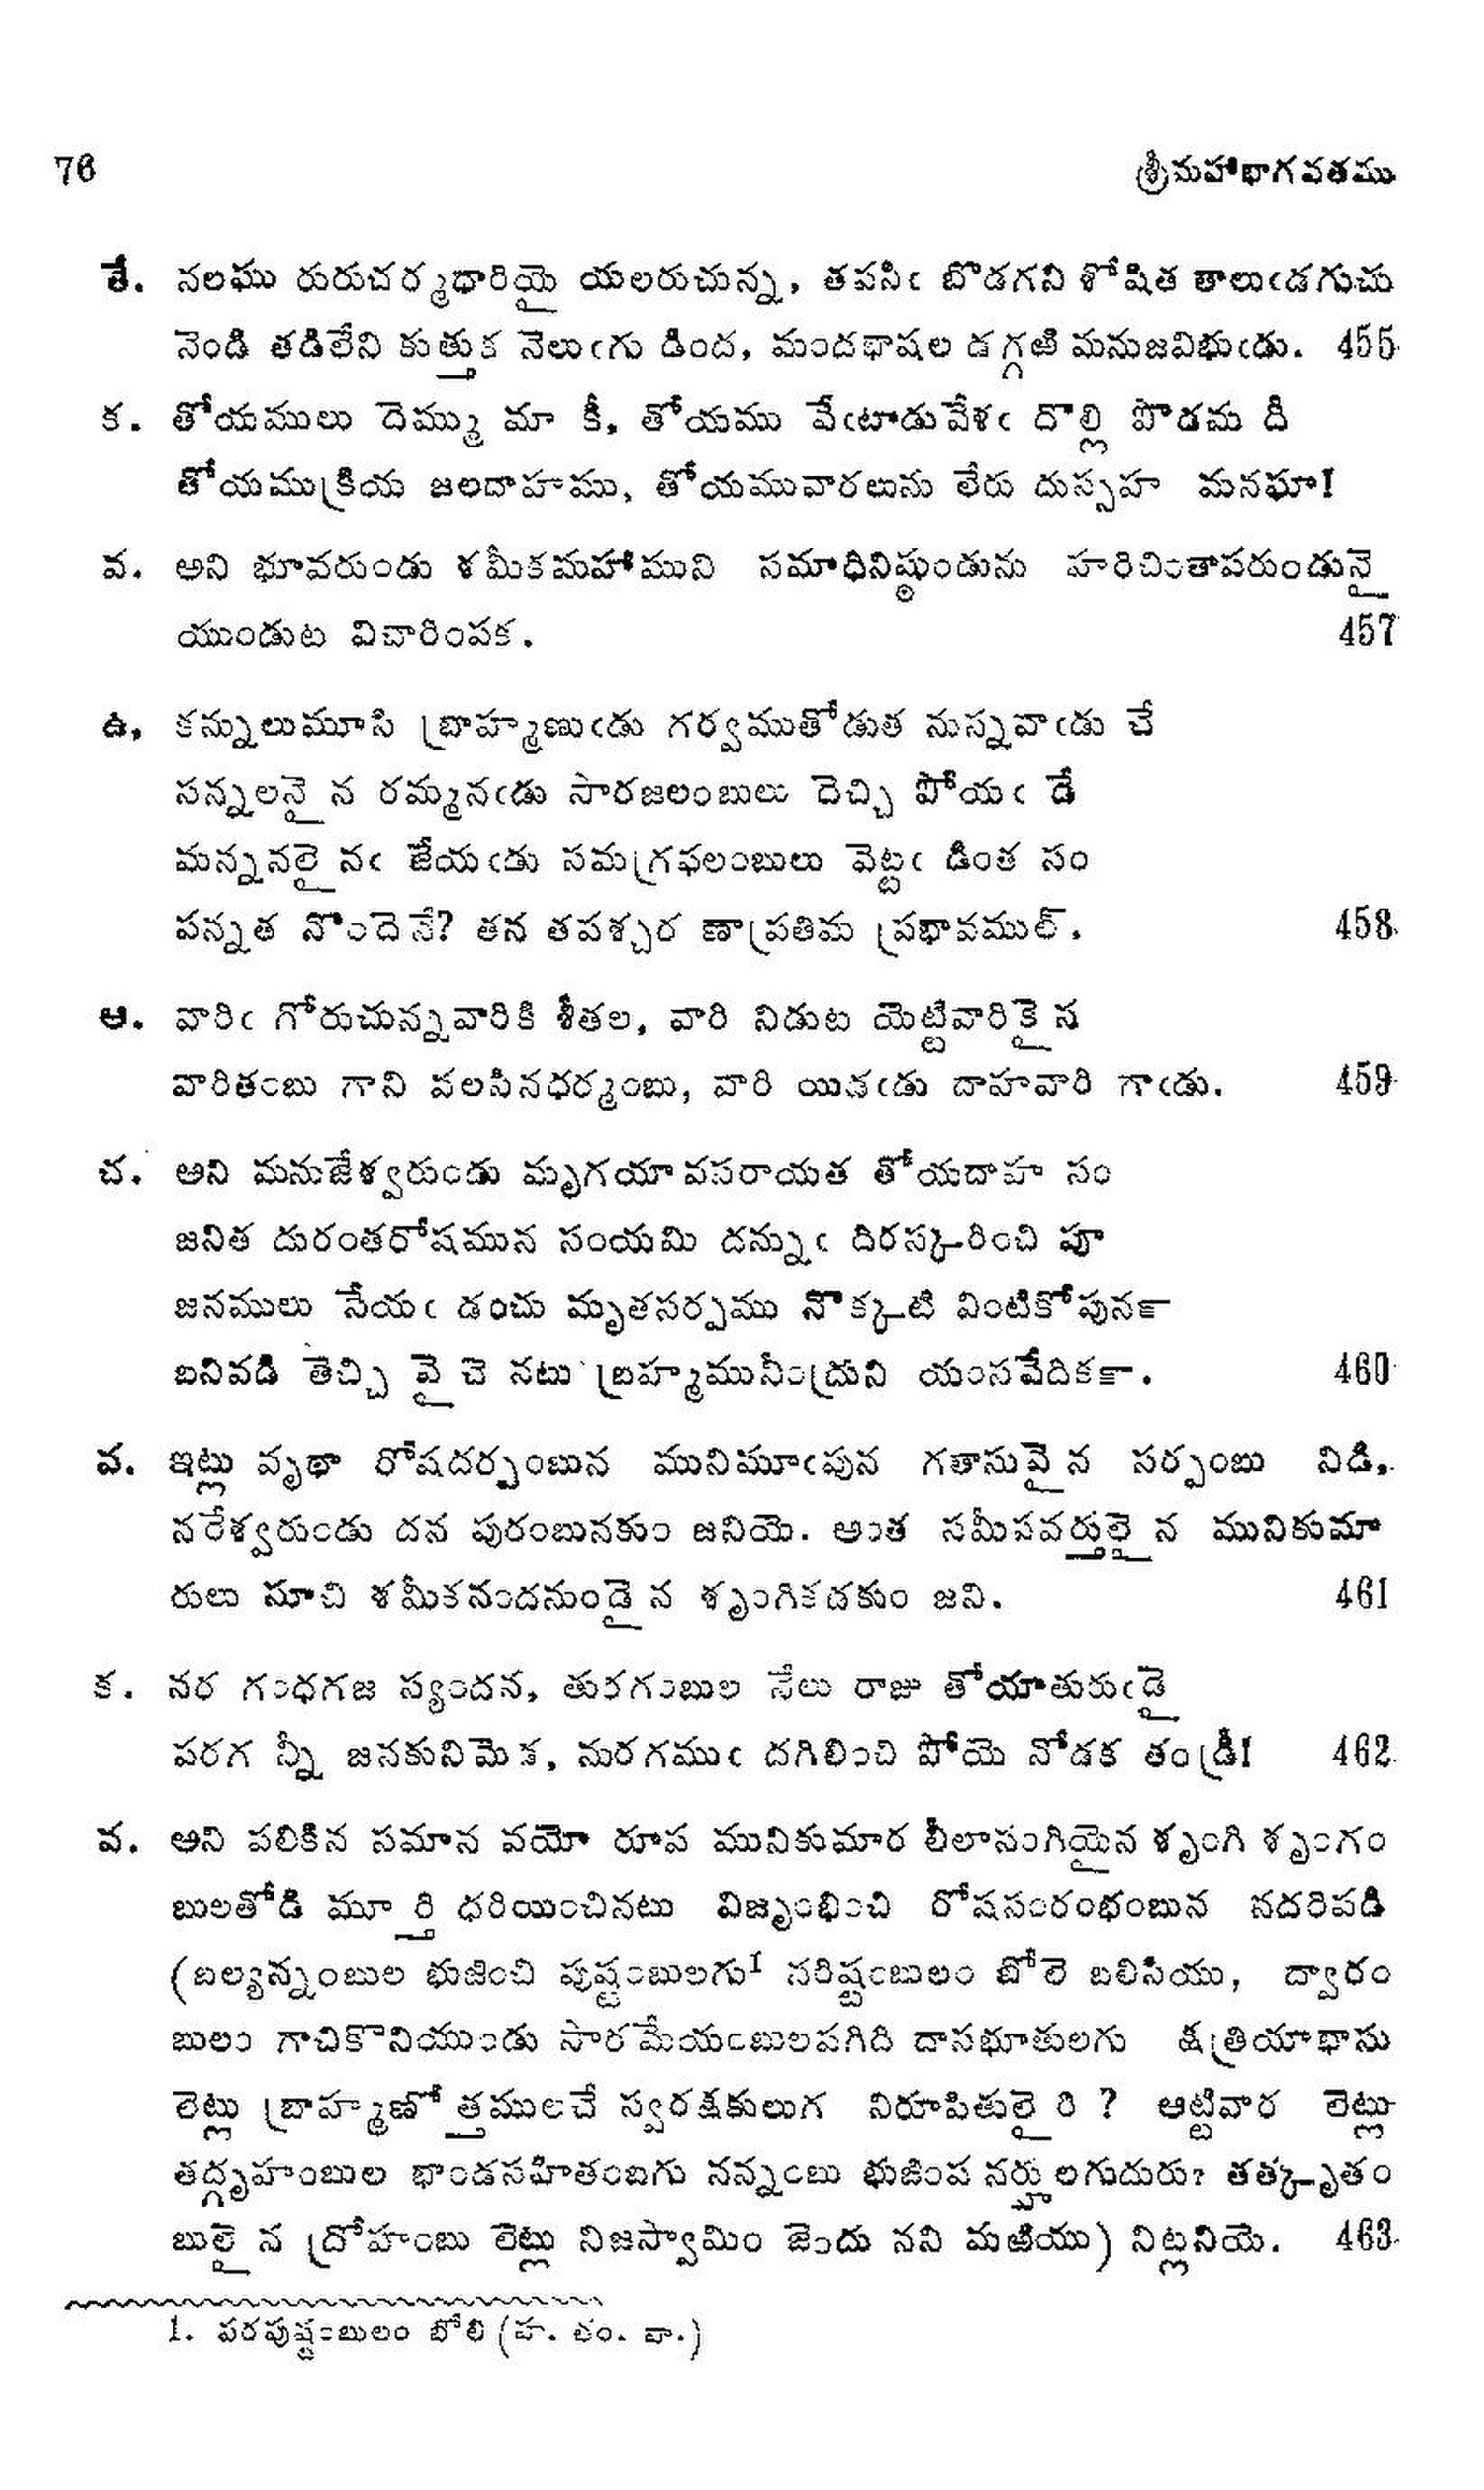76

తే. నలఘు రురుచర్మధారియై యలడుచున్న, తపసిఁ బొడగని శోషిత తాలుఁడగుచు

నెండి తడిలేని కుత్తుక నెలుఁగు డింద, మందభాషల డగ్గఱి మనుజవిభుఁడు. (455)

క. తోయములు దెమ్మ మా కిఇ, తోయము వేఁటాడువేళఁ దిల్లి పొడమ దీ

తోయముక్రియ జలదాఅహము, తోయమువారలును లేరు దుస్సహ మనఘా !(456)

వ. అని భూవరుండు శమీకమహాముని సమాధినిష్ఠుండును హరిచింతాపరుండునై యుండుట విచారింపక. (457)

ఉ. కన్నులుమూసి బ్రాహ్మణుఁడు గర్వముతోడుత నున్నవాఁ డు చే

సన్నలనైన రమ్మనఁడు సాజలంబులు దెచ్చె పోయఁ డే

మన్ననలైనఁ జేయఁడు సమగ్రఫలంబులు వెట్టఁ డింత సం

పన్నత నొందెనే ? తన తపశ్చర ణాప్రతిమ ప్రభావముల్. (458)

ఆ. వారిఁ గోరుచున్నవారికి శీతల, వారి నిడుట యెట్టివారికైన

వారితంబు గాని వలసిన ధర్మంబు, వారి యిడఁడు దాహవారి గాఁదు. (459)

చ. అని మనుజేశ్వరుండు మృగయావనరాయత తోయదాహ సం

జనిత దురంతరోషనున సంయమి దన్నుఁ దిరస్కరించి పూ

జనముల సేయఁ డంచు మృతసర్పము నొక్కటి వింటికోపునన్

బనివడి తెచ్చి వైచె నట బ్రహ్మమునీంద్రుని యంసవేదికన్. (460)

వ. ఇట్లు వృథా రోషదర్పంబున మునిమూఁపున గతానువైన సర్పంబు నిడి, నరేశ్వరుండు దన పురంబున జనియె. అంత సమీపవర్తులైన మినికుమారులు సూచి శమీకనందనుండైన శృంగికడకుం జని. (461)

క. నర గంధగజ స్యందన, తురగంబుల నేల రాజు తోయాతురుఁడై

పరగ న్నీ జనకునిమెడ, నురగముఁ దగిలించి పోయె నోడక తండ్రీ ! (462)

వ. అని పలికిన సమాన రూప మునికుమార లీలసంగియైన శృంగి శృంగంబులతోడి మూర్తి ధరియించినట విజృంభించి రోషసంరంభంబున నదరిపడి ( బల్యన్నంబుల భుజించి పుష్టంబులగు నరిష్టంబులం బోలె బలిసియు, ద్వారంబులం గాచికొనియుండు సారమేయంబులపగిది దాసభాతులగు క్షత్రియాభాసు లెట్ల బహ్మణోత్తములచే స్వరక్షకులుగ నిరూపితులైరి ? అట్టివారి లెట్లు తద్గృహంబుల భాండసహితంబగు నన్నంబు భుజింప నర్హులగుదురు ? తత్కృతంబులైన ద్రోహంబు లెట్లు నిజస్వామిం జెందు నని మఱియు ) నిట్లనియె. (463)